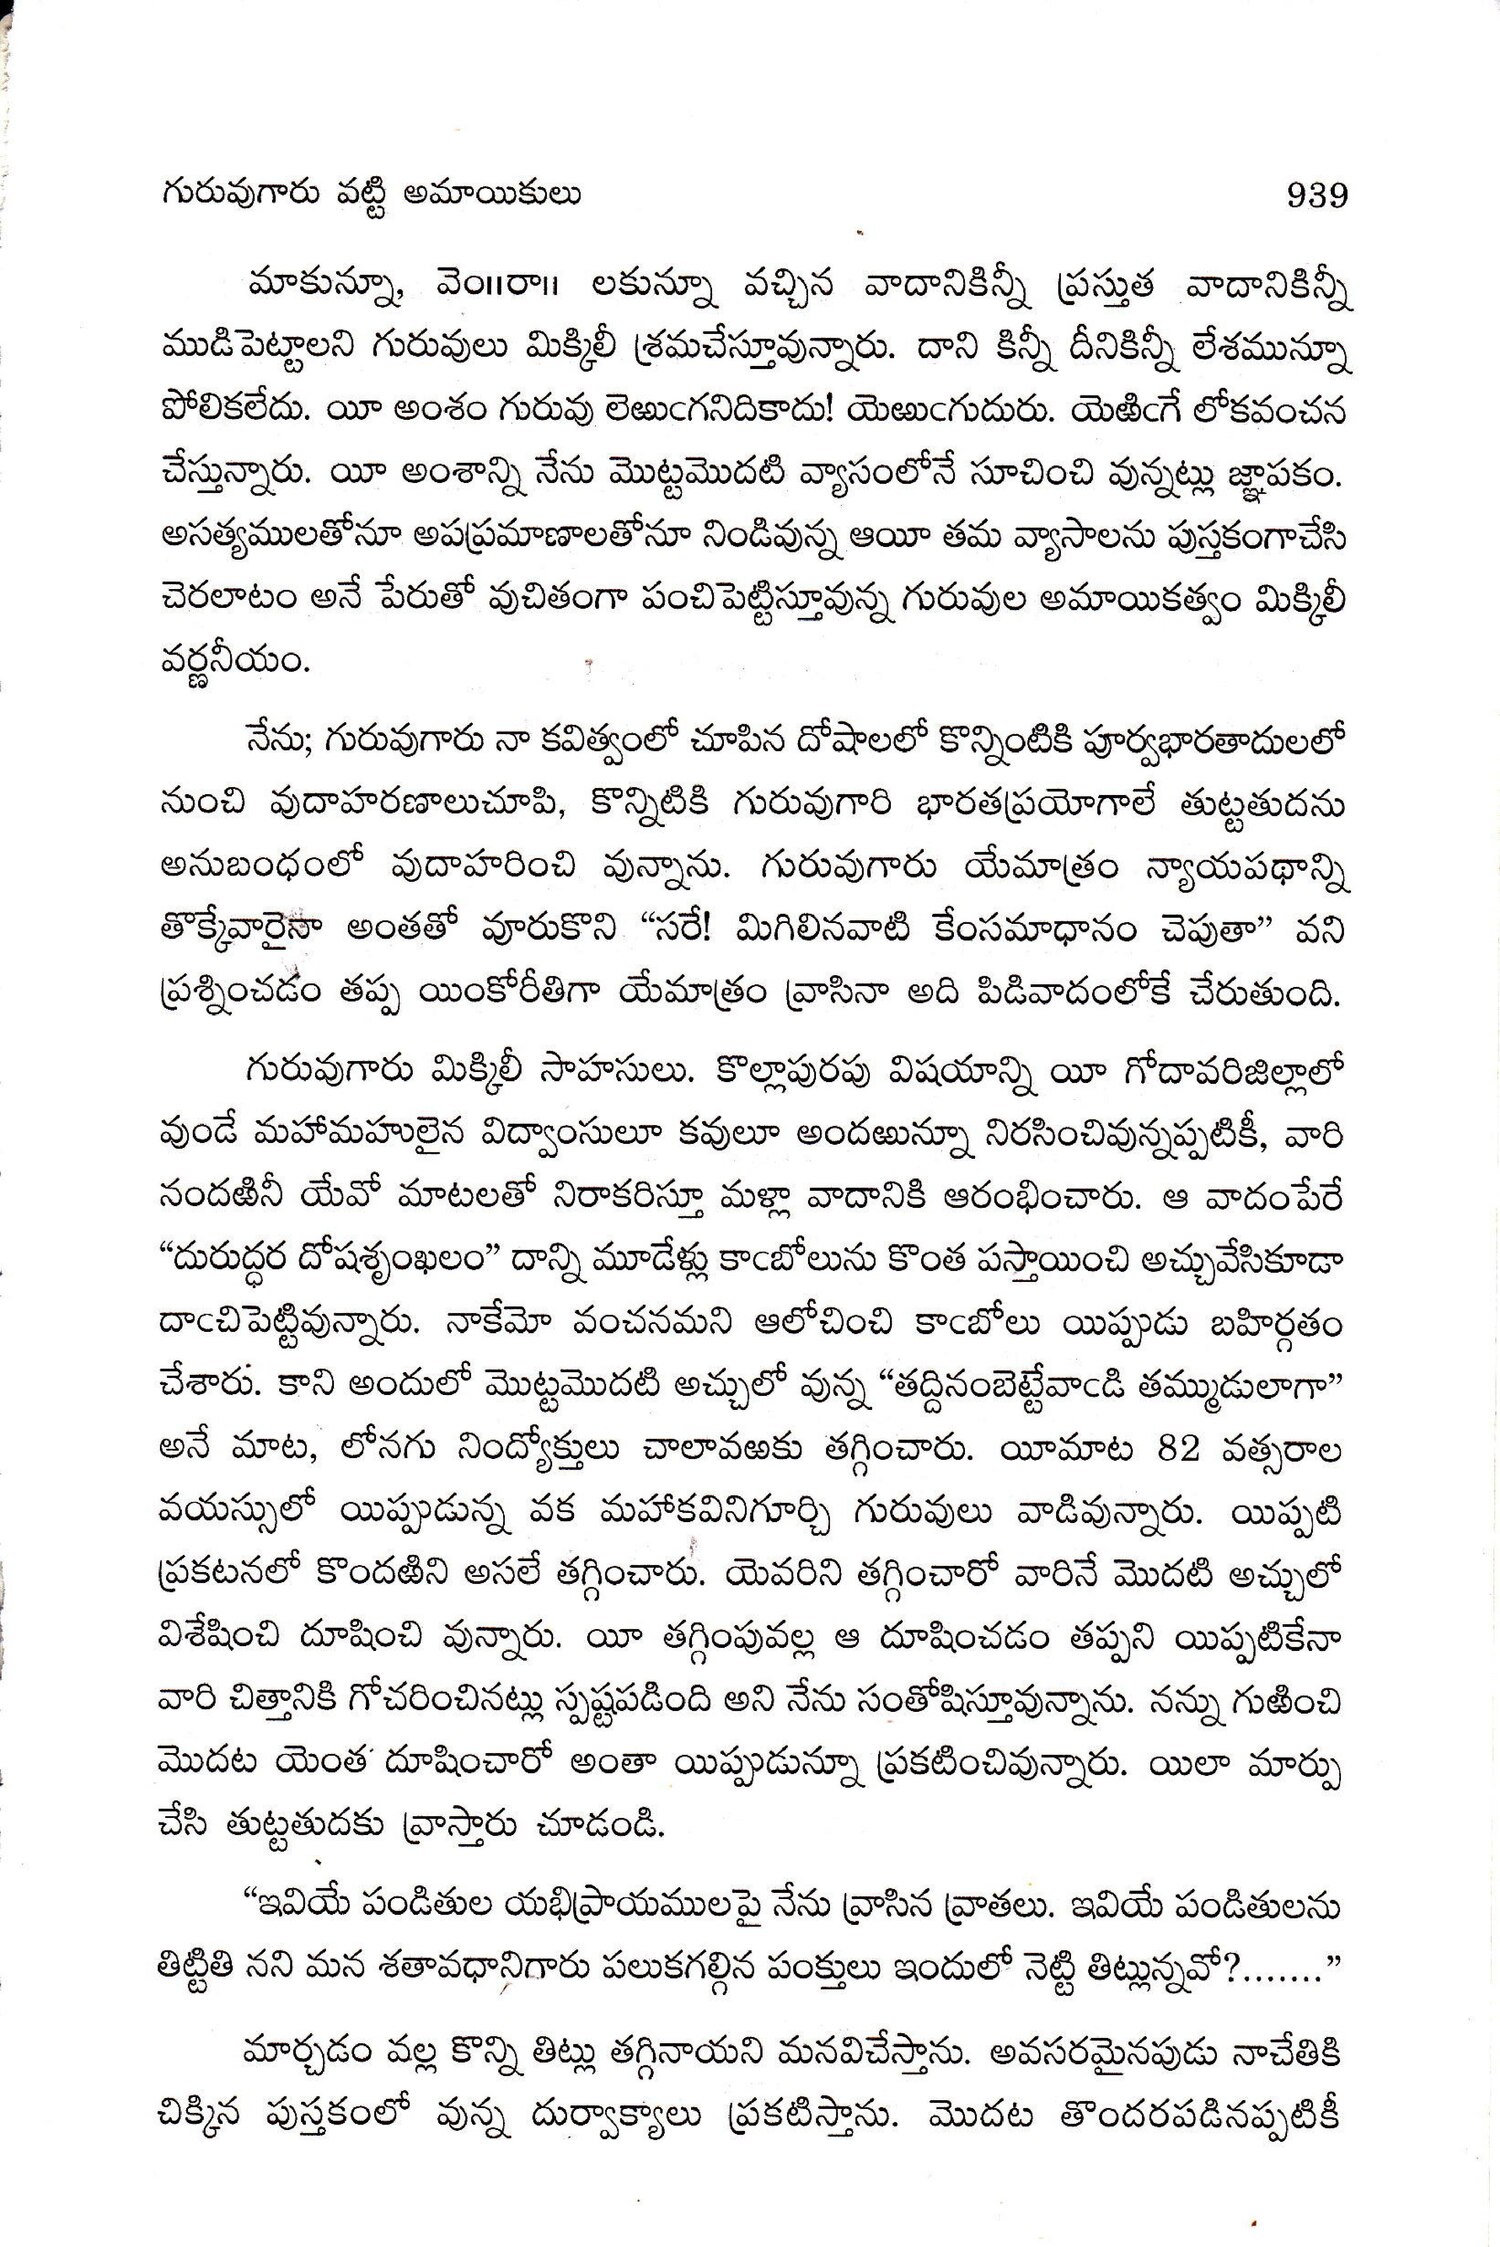మాకున్నూ, వెంllరాII లకున్నూ వచ్చిన వాదానికిన్నీ ప్రస్తుత వాదానికిన్నీ ముడిపెట్టాలని గురువులు మిక్కిలీ శ్రమచేస్తూవున్నారు. దాని కిన్నీ దీనికిన్నీ లేశమున్నూ పోలికలేదు. యీ అంశం గురువు లెఱుఁగనిదికాదు! యెఱుఁగుదురు. యెఱిఁగే లోకవంచన చేస్తున్నారు. యీ అంశాన్ని నేను మొట్టమొదటి వ్యాసంలోనే సూచించి వున్నట్లు జ్ఞాపకం. అసత్యములతోనూ అపప్రమాణాలతోనూ నిండివున్న ఆయీ తమ వ్యాసాలను పుస్తకంగాచేసి చెరలాటం అనే పేరుతో వుచితంగా పంచిపెట్టిస్తూవున్న గురువుల అమాయికత్వం మిక్కిలీ వర్ణనీయం.

నేను; గురువుగారు నా కవిత్వంలో చూపిన దోషాలలో కొన్నింటికి పూర్వభారతాదులలో నుంచి వుదాహరణాలుచూపి, కొన్నిటికి గురువుగారి భారతప్రయోగాలే తుట్టతుదను అనుబంధంలో వుదాహరించి వున్నాను. గురువుగారు యేమాత్రం న్యాయపథాన్ని తొక్కేవారైనా అంతతో వూరుకొని “సరే! మిగిలినవాటి కేంసమాధానం చెపుతా" వని ప్రశ్నించడం తప్ప యింకోరీతిగా యేమాత్రం వ్రాసినా అది పిడివాదంలోకే చేరుతుంది.

గురువుగారు మిక్కిలీ సాహసులు. కొల్లాపురపు విషయాన్ని యీ గోదావరిజిల్లాలో వుండే మహామహులైన విద్వాంసులూ కవులూ అందఱున్నూ నిరసించివున్నప్పటికీ, వారి నందఱినీ యేవో మాటలతో నిరాకరిస్తూ మళ్లా వాదానికి ఆరంభించారు. ఆ వాదం పేరే "దురుద్ధర దోషశృంఖలం" దాన్ని మూడేళ్లు కాఁబోలును కొంత పస్తాయించి అచ్చువేసికూడా దాఁచిపెట్టివున్నారు. నాకేమో వంచనమని ఆలోచించి కాఁబోలు యిప్పుడు బహిర్గతం చేశారు. కాని అందులో మొట్టమొదటి అచ్చులో వున్న “తద్దినంబెట్టేవాఁడి తమ్ముడులాగా" అనే మాట, లోనగు నింద్యోక్తులు చాలావఱకు తగ్గించారు. యీమాట 82 వత్సరాల వయస్సులో యిప్పుడున్న వక మహాకవినిగూర్చి గురువులు వాడివున్నారు. యిప్పటి ప్రకటనలో కొందఱిని అసలే తగ్గించారు. యెవరిని తగ్గించారో వారినే మొదటి అచ్చులో విశేషించి దూషించి వున్నారు. యీ తగ్గింపువల్ల ఆ దూషించడం తప్పని యిప్పటికేనా వారి చిత్తానికి గోచరించినట్లు స్పష్టపడింది అని నేను సంతోషిస్తూవున్నాను. నన్ను గుఱించి మొదట యెంత దూషించారో అంతా యిప్పుడున్నూ ప్రకటించివున్నారు. యిలా మార్పు చేసి తుట్టతుదకు వ్రాస్తారు చూడండి.

“ఇవియే పండితుల యభిప్రాయములపై నేను వ్రాసిన వ్రాతలు. ఇవియే పండితులను తిట్టితి నని మన శతావధానిగారు పలుకగల్గిన పంక్తులు ఇందులో నెట్టి తిట్లున్నవో?......."

మార్చడం వల్ల కొన్ని తిట్లు తగ్గినాయని మనవిచేస్తాను. అవసరమైనపుడు నాచేతికి చిక్కిన పుస్తకంలో వున్న దుర్వాక్యాలు ప్రకటిస్తాను. మొదట తొందరపడినప్పటికీ